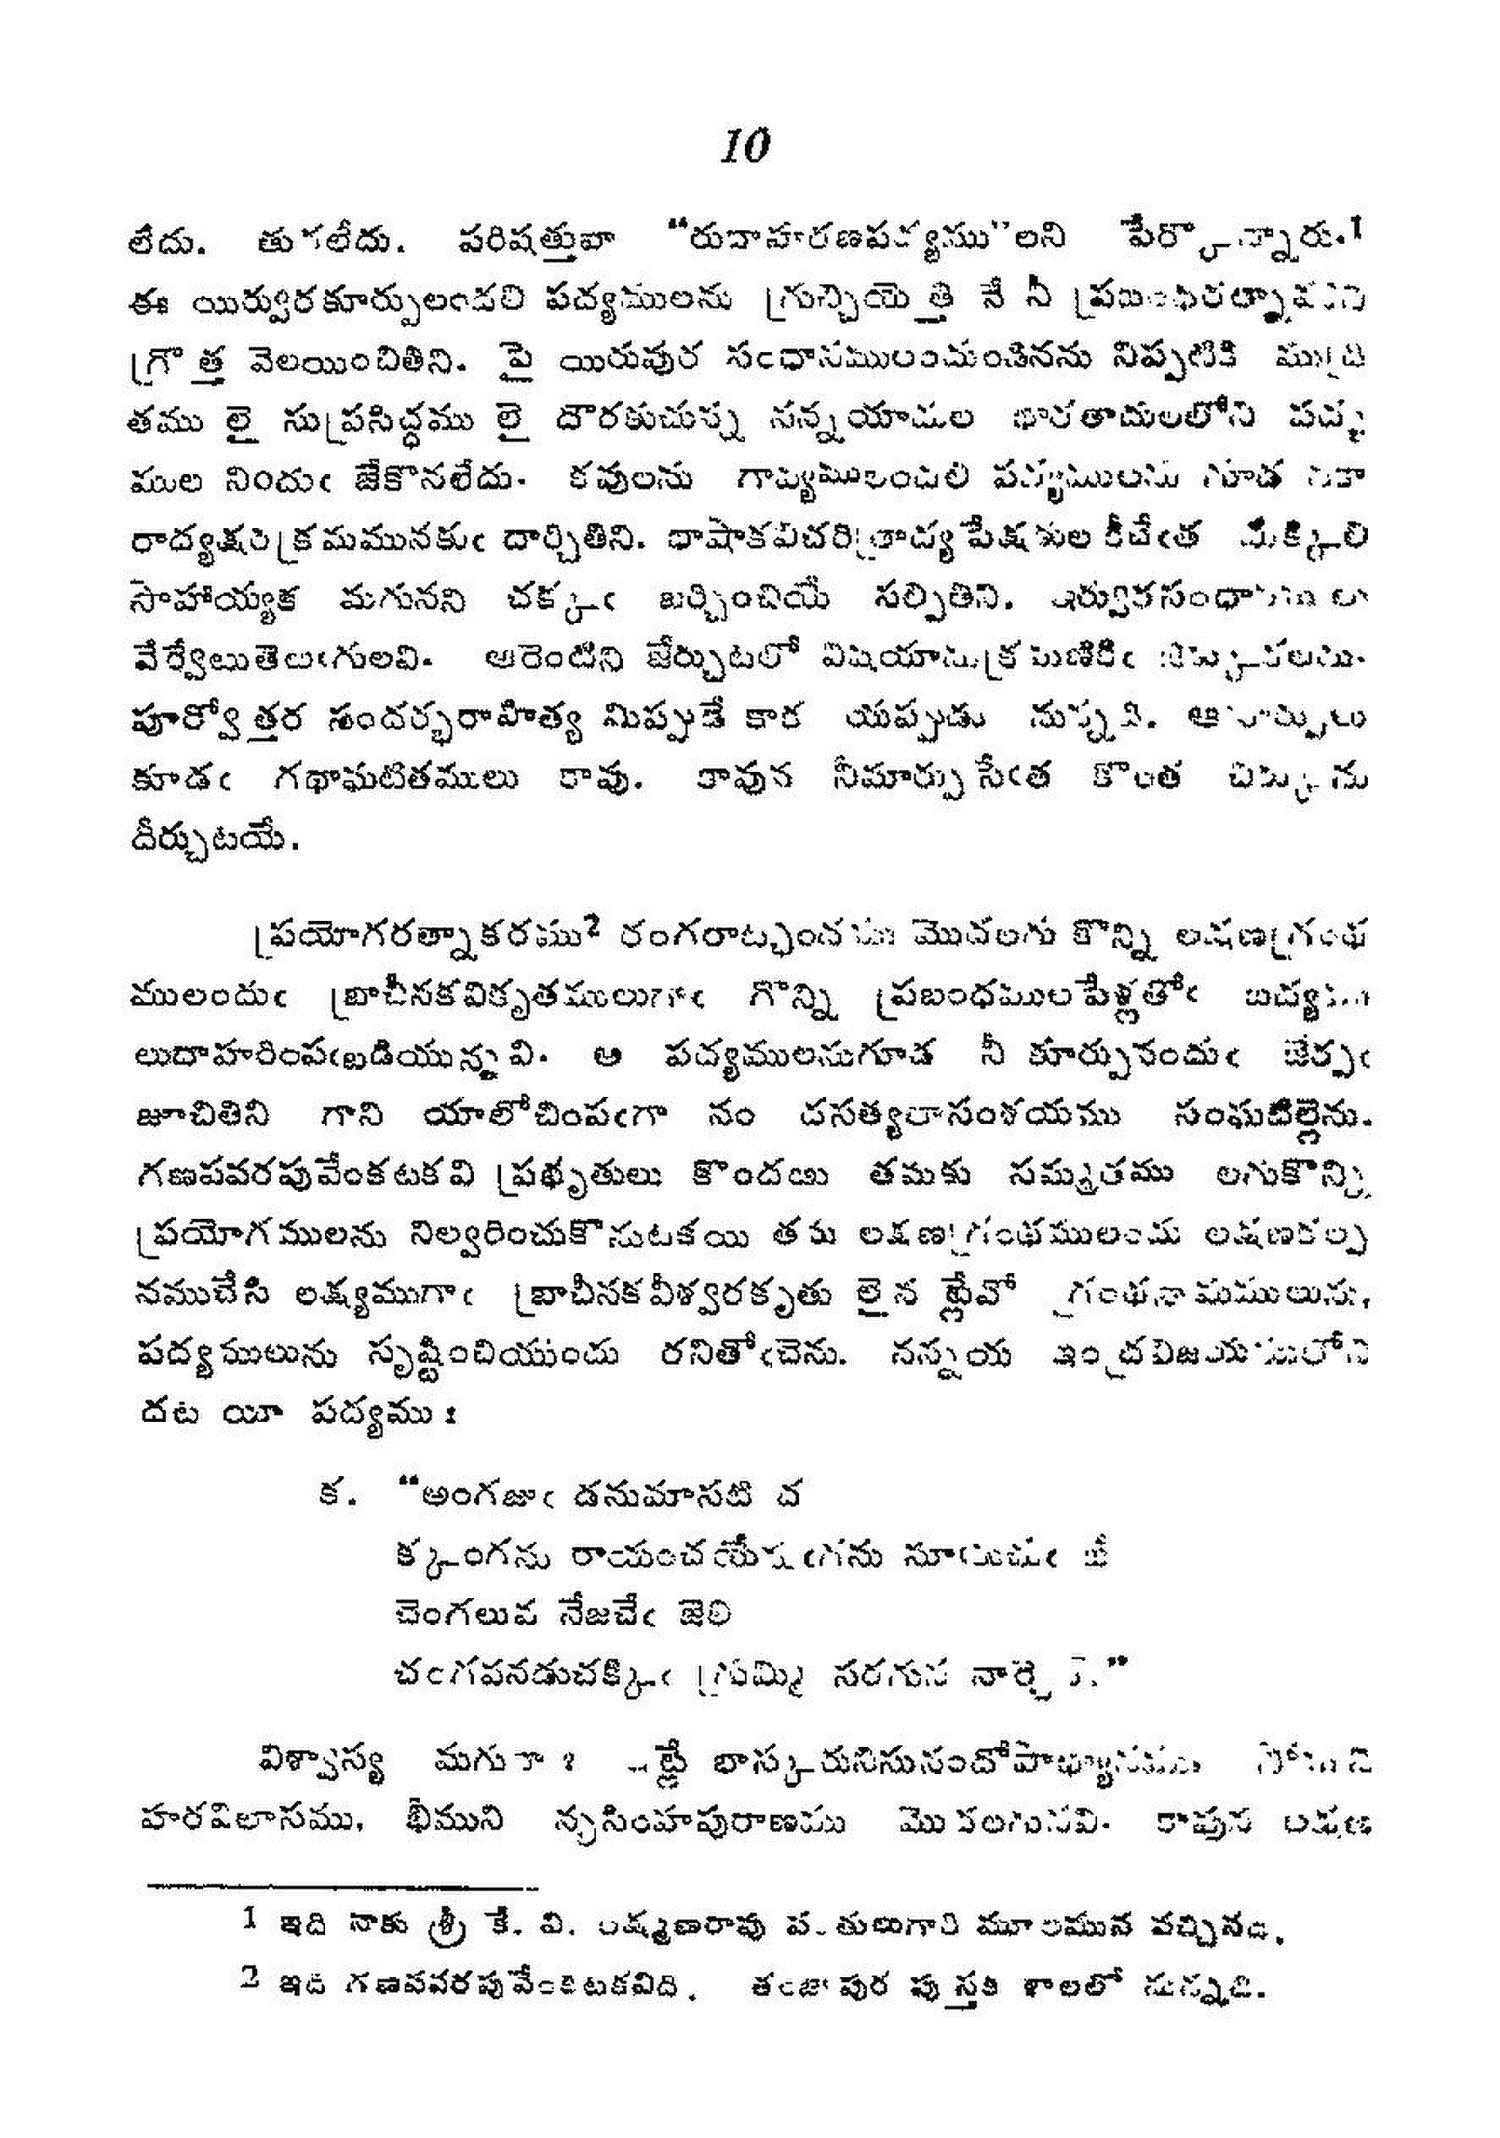లేదు. తుదలేదు. పరిషత్తువా “రుదాహరణపద్యము"లని పేర్కొన్నారు. ఈ యిర్వురకూర్పులందలి పద్యములను గ్రుచ్చియెత్తి నే నీ ప్రబంధరత్నావళిని క్రొత్త వెలయించితిని. పై యిరువుర సంఛానములం దుండినను నిప్పటికి ముద్రితములై సుప్రసిద్ధములై దొరకుచున్న నన్నయాదుల భారతాదులలోని పద్యముల నిందుఁ జేకొనలేదు. కవులను గావ్యము లందలి పద్యములు గూడ నకారాద్యక్షరక్రమమునకుఁ దార్చితిని. భాషాకవిచరిత్రాద్యపేక్షకుల కీచేఁత మిక్కిలి సాహాయ్యక మగునని చక్కఁ బర్చించియే సల్పితిని. ఇర్వురసంధానములు వేర్వేఱు తెఱఁగులవి. ఆ రెంటిని జేర్చుటలో విషయానుక్రమణికిఁ జెక్కుకలదు. పూర్వోత్తరసందర్భరాహిత్య మిప్పుడే కాక యప్పుడు నున్నది. ఆగూర్పులు కూడఁ గథాఘటితములు కావు. కావున నీమార్పుసేఁత కొంత చిక్కును దీర్చుటయే.

ప్రయోగరత్నాకరము రంగరాట్ఛందము మొదలగు కొన్ని లక్షణగ్రంథములందుఁ బ్రాచీనకవికృతములుగాఁ గొన్ని ప్రబంధముల పేళ్లతో బద్యము లుదాహరింపఁబడియున్నవి. ఆ పద్యములనుగూడ నీ కూర్పునందుఁ జేర్పఁ జూచితిని గాని యాలోచింపఁగా నం దసత్యతాసంశయము సంఘటిల్లెను. గణపవరపు వేంకటకవి ప్రభృతులు కొందఱు తమకు సమ్మతము లగుకొన్ని ప్రయోగములను నిల్వరించుకొనుటకయి తమ లక్షణగ్రంథములందు లక్షణకల్పనము చేసి లక్ష్యముగాఁ బ్రాచీనకవీశ్వరకృతు లైన ట్లేవో గ్రంథనామములును, పద్యములును సృష్టించియుందు రని తోఁచెను. నన్నయ ఇంద్రవిజయము లోని దట యీ పద్యము :

క. “అంగజుఁ డను మాసటి చ
 క్కంగను రాయంచ యేనుఁగను నూకుచుఁ జే
 చెంగలువ నేజచే జెలి 
 చంగవనడుచక్కిఁ గ్రుమ్మి సరగున నార్చెన్." 

విశ్వాస్య మగునా? ఇట్లే భాస్కరుని సుసందోపాఖ్యానము, సోముని హరవిలాసము, భీముని నృసింహపురాణము మొదలగునవి. కావున లక్షణ